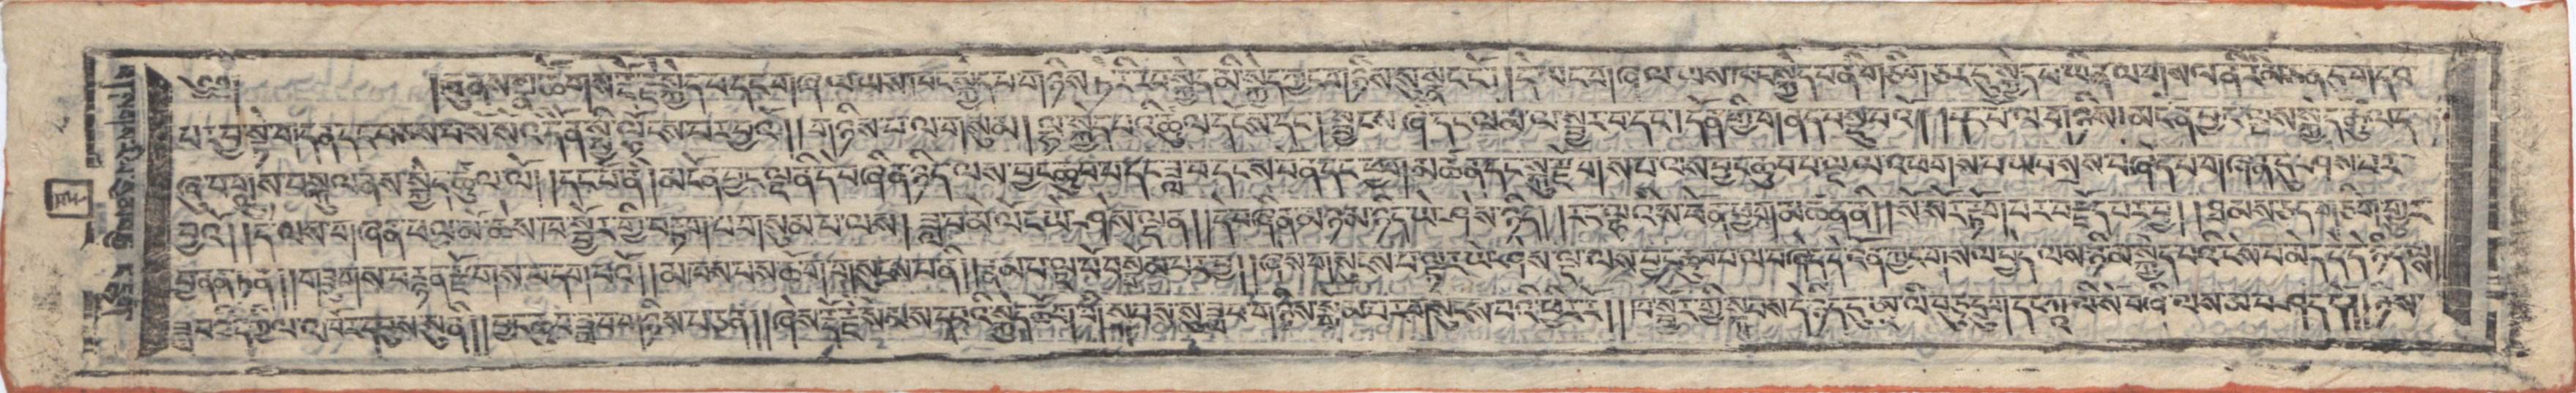༄༅། །ཞུ་ནས་སྣ་ཚོགས་རྡོ་རྗེ་སྐྱེད་པ་དང་གཞལ་ཡས་ཁང་སྐྱེད་པ་གཉིས་ཏེ་རི་རབ་སྐྱེད་མི་སྐྱེད་ཀྱང་གཉིས་སུ་སྣང་ངོ། །དེ་ཡང་གཞལ་ཡས་ཁང་སྐྱེད་པ་ནི་གཅིག་ཅར་དུ་སྐྱེད་པ་ཡིན་ལ་གསལ་ནི་རིམ་ཅན་དུ་གདབ་
པར་བྱ་སྟེ་གདན་དང་བཅས་པ་སོ་སོའི་དོན་སྤྱི་ལྷོངས་པར་བྱའོ། །གཉིས་པ་ལ་གསུམ། ལྷ་སྐྱེད་པའི་ཚུལ་དངོས་དང་། སྦྱངས་ཞི་དང་ལམ་ལ་སྦྱར་བ་དང་། དོན་གྱི་གནད་བསྡུ་བའོ། །དང་པོ་ལ་གཉིས། མངོན་བྱང་ལྔས་སྐྱེད་ཚུལ་དང༑
ཞུ་བ་གླུས་བསྐུལ་ནས་སྐྱེད་ཚུལ་ལོ། །དང་པོ་ནི། མངོན་བྱང་ལྔ་ནི་དེ་བཞིན་ཉིད་ལས་བྱང་ཆུབ་པ་དང་ཟླ་བ་དང་ས་བོན་དང་ཕྱག་མཚན་དང་སྐུ་རྫོགས་པ་ལས་བྱང་ཆུབ་པ་ལྔ་ལ་འཕགས་པ་ཡབ་སྲས་བཞེད་པ་གཞན་དུ་ཤེས་པར་
བྱའོ། །དེ་ལས་གཞན་ཕལ་མོ་ཆེས་ཁ་སྦྱོར་གྱི་བརྟག་པ་གསུམ་པ་ལས། ཟླ་བ་མེ་ལོང་ཡེ་ཤེས་ལྡན། །དེ་བཞིན་མཉམ་ཉིད་ཡེ་ཤེས་ཉིད། །རང་ལྷའི་ས་བོན་ཕྱག་མཚན་ནི། །སོ་སོར་རྟོག་པར་བརྗོད་པར་བྱ། །ཐམས་ཅད་གཅིག་གྱུར་
བྱ་ནན་ཏན། །གཟུགས་བརྙན་རྫོགས་པ་དག་པའོ། །མཁས་པས་ཆོ་ག་གསུངས་པ་ནི། །རྣམ་པ་ལྔ་པོ་བསྒོམ་པར་བྱ། །ཞེས་གསུངས་པ་ལྟར་ཡེ་ཤེས་ལྔ་ལས་བྱང་ཆུབ་པ་ལ་བཞེད་དེ་འོན་ཀྱང་གསལ་བྱེད་ལས་ཉི་མ་སྐྱེད་པའི་ངེས་པ་མེད་དེ་དེ་ཉིད་ལས།
ཟླ་བའི་དཀྱིལ་འཁོར་དབུས་སུ་ནི། །བྱང་ཆུབ་ཟླ་བ་གཉིས་པ་ཅན། །ཞེས་རྡོ་རྗེ་སེམས་དཔའི་སྐྱེད་ཆོག་གི་སྐབས་སུ་ཟླ་བ་གཉིས་སྒོམ་པར་གསུངས་པའི་ཕྱིར་རོ། །ཁ་སྦྱོར་གྱི་སྐབས་དེ་ཉིད་དུ་ཨཱ་ལི་བཅུ་དྲུག་དང་ཀཱ་ལི་སོ་བཞི་ལས་མ་བཤད་དོ། །ཉིས་